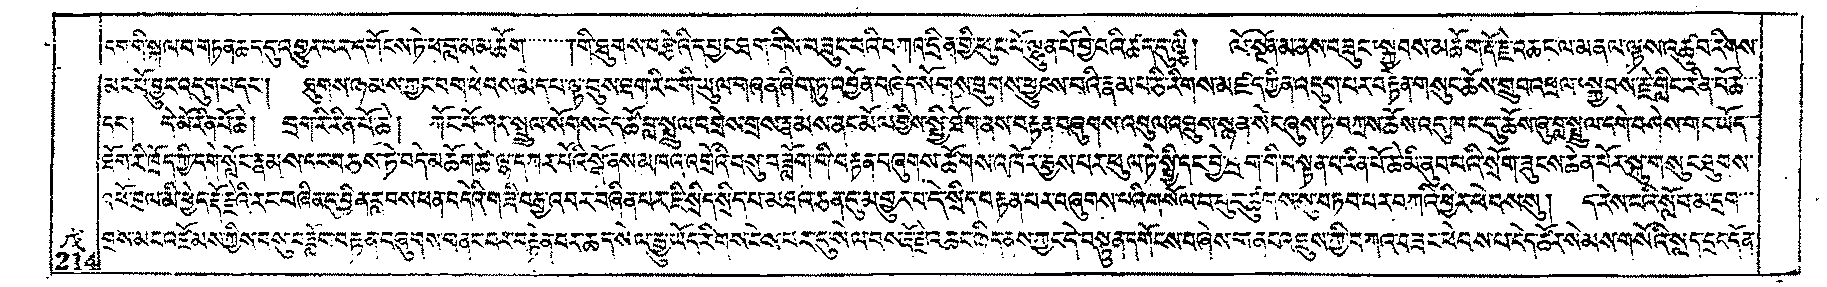དག་གི་སྐལ་བ་གཏན་ཆད་དུ་འགྱུར་བར་དགོངས་ཏེ་ཕ་བླ་མ་མཆོག །གི་ཐུགས་བརྩེའི་དཔྱང་ཐག་གིས་བཟུང་བའི་བཀའ་དྲིན་གྱི་ཕུང་པོ་ལྷུན་པོ་བྱེ་བའི་ཚད་དུ་ལྕི། ལོ་སྔོན་མ་ནས་བཟུང་༧སྐྱབས་མཆོག་རྡོ་རྗེ་འཆང་ལ་མནལ་ལྟས་འཚུབ་རིགས་
མང་པོ་བྱུང་འདུག་པ་དང་། ཐུགས་ཉམས་ཀྱང་བག་ཕེབས་མེད་པ་ལྟ་བུས་ཐག་རིང་གི་ཡུལ་གཞན་ཞིག་ཏུ་འབྱོན་བཞེད་སོགས་ཐུགས་ཕྱུངས་བའི་རྣམ་པ་ཅི་རིགས་མཛད་ཀྱིན་འདུག་པར་བརྟེན་གསུང་ཆོས་གྲུབ་འཕྲལ་༧སྐྱབས་རྗེ་གླིང་རིན་པོ་ཆེ་
དང་། དེ་མོ་རིན་པོ་ཆེ། བྲག་རི་རིན་པོ་ཆེ། ཀོང་པོ་ཤར་སྤྲུལ་སོགས་ངེད་ཚོ་བླ་སྤྲུལ་བགྲེས་གྲས་རྣམས་ནང་མོལ་གྱིས་སྤྱི་ཐོག་ནས་བརྟན་བཞུགས་འབུལ་འཐུས་སྙན་སེང་ཞུས་ཏེ་བཀྲས་ཆོས་འདུ་ཁང་དུ་ཆོས་ཞུ་བླ་སྤྲུལ་དགེ་བཤེས་གང་ཡོད་
ཐོག་རི་ཁྲོད་ཀྱི་དགེ་སློང་རྣམས་དང་བཅས་ཏེ་བདེ་མཆོག་ཚེ་ལྷ་དཀར་པོའི་སྒོ་ནས་མཁའ་འགྲོའི་བསུ་བཟློག་གི་བརྟན་བཞུགས་ཚོགས་འཁོར་རྒྱས་པར་ཕུལ་ཏེ་སྤྱི་དང་བྱེ་བྲག་གི་བསྟན་པ་རིན་པོ་ཆེ་མི་ནུབ་པའི་སྲོག་ཟུངས་ཆེན་པོར་སྐུ་གསུང་ཐུགས་
འཕོ་བྲལ་མི་ཕྱེད་རྡོ་རྗེའི་རང་བཞིན་དུ་བྱིན་རླབས་ཕན་བདེའི་གཟི་བརྒྱ་འབར་བཞིན་པར་ཇི་སྲིད་སྲིད་པ་མཐའ་ཅན་དུ་མ་གྱུར་པ་དེ་སྲིད་བརྟན་པར་བཞུགས་པའི་གསོལ་བ་ཕུར་ཚུགས་སུ་བཏབ་པར་བཀའི་ཕྱིར་ཕེབས་སུ། ད་རེས་ངའི་སློབ་མ་དྲག་
གྲས་མང་འཛོམས་ཀྱིས་བསུ་བཟློག་བརྟན་བཞུགས་གནང་བར་བརྟེན་བར་ཆད་སེལ་རྒྱུ་ཡོད་རིགས་ངེས་པར་དུ་སེལ་བས་རྡོ་རྗེ་འཆང་ཉིད་ནས་ཀྱང་དེ་བསྟུན་དགོངས་བཞེས་གནང་འཐུས་ཀྱི་བཀའ་བཟང་ཕེབས་པ་ངེད་ཚོར་སེམས་གསོའི་སླད་དྲང་དོན་